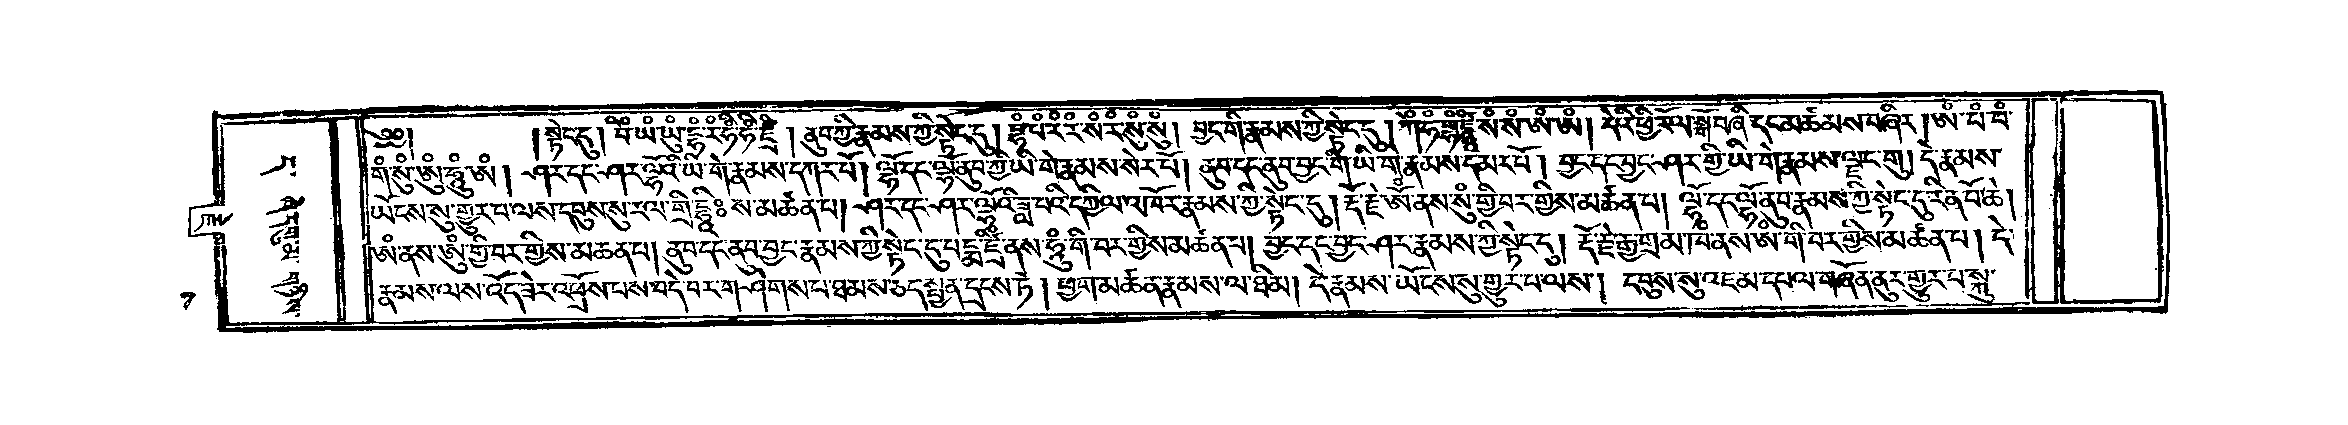༄༅། །སྟེང་དུ། བིཾ་ཡཾ་ཡུཾ་དྷཾ་རཾ་ཧིཾ་ཧིཾ་ཛྲིཾ། ནུབ་ཀྱི་རྣམས་ཀྱི་སྟེང་དུ། བྷཾ་པཾ་རཾ་རཾ་སཾ་རཾ་སུཾ་སུཾ། བྱང་གི་རྣམས་ཀྱི་སྟེང་དུ། ཀེཾ་ཧཾ་གྷཾ་ཛྙཱཾ་སཾ་སཾ་ཨཾ་ཨཾ། དེའི་ཕྱི་རོལ་སྒོ་བཞི་དང་མཚམས་བཞིར། ཨཾ་པཾ་བཾ་
གཾ་སུཾ་ཨུཾ་ཧཱུཾ་ཨཾ། ཤར་དང་ཤར་ལྷོའི་ཡི་གེ་རྣམས་དཀར་པོ། ལྷོ་དང་ལྷོ་ནུབ་ཀྱི་ཡི་གེ་རྣམས་སེར་པོ། ནུབ་དང་ནུབ་བྱང་གི་ཡི་གེ་རྣམས་དམར་པོ། བྱང་དང་བྱང་ཤར་གྱི་ཡི་གེ་རྣམས་ལྗང་གུ །དེ་རྣམས་
ཡོངས་སུ་གྱུར་པ་ལས་དབུས་སུ་རལ་གྲི་དྷཱིཿ ས་མཚན་པ། ཤར་དང་ཤར་ལྷོའི་ཟླ་པའི་དཀྱིལ་འཁོར་རྣམས་ཀྱི་སྟེང་དུ། རྡོ་རྗེ་ཨོཾ་ནས་སུཾ་གྱི་བར་གྱིས་མཚན་པ། ལྷོ་དང་ལྷོ་ནུབ་རྣམས་ཀྱི་སྟེང་དུ་རིན་པོ་ཆེ།
ཨཾ་ནས་ཨུཾ་གྱི་བར་གྱིས་མཆན་པ། ནུབ་དང་ནུབ་བྱང་རྣམས་ཀྱི་སྟེང་དུ་པདམ་ཛྲིཾ་ནས་ཧཱུཾ་གི་བར་གྱིས་མཚན་པ། བྱང་དང་བྱང་ཤར་རྣམས་ཀྱི་སྟེང་དུ། རྡོ་རྗེ་རྒྱ་གྲམ་ཁཾ་ནས་ཨཾ་གི་བར་གྱིས་མཚན་པ། དེ་
རྣམས་ལས་འོད་ཟེར་འཕྲོས་པས་བདེ་བར་གཤེགས་པ་ཐམས་ཅད་སྤྱན་དྲངས་ཏེ། ཕྱག་མཚན་རྣམས་ལ་ཐིམ། དེ་རྣམས་ཡོངས་སུ་གྱུར་པ་ལས། དབུས་སུ་འཇམ་དཔལ་གཞོན་ནུར་གྱུར་པ་སྐུ་